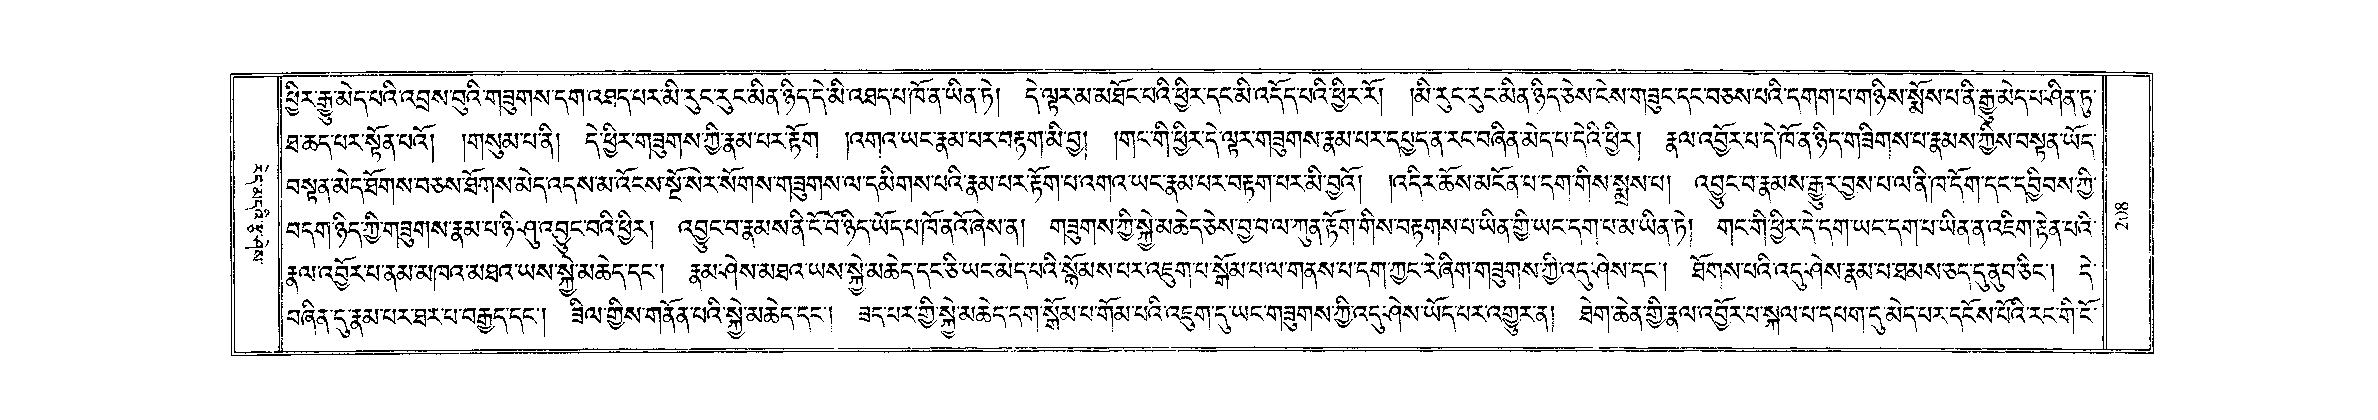ཕྱིར་རྒྱུ་མེད་པའི་འབྲས་བུའི་གཟུགས་དག་འཐད་པར་མི་རུང་རུང་མིན་ཉིད་དེ་མི་འཐད་པ་ཁོ་ན་ཡིན་ཏེ། དེ་ལྟར་མ་མཐོང་བའི་ཕྱིར་དང་མི་འདོད་པའི་ཕྱིར་རོ། །མི་རུང་རུང་མིན་ཉིད་ཅེས་ངེས་གཟུང་དང་བཅས་པའི་དགག་པ་གཉིས་སྨོས་པ་ནི་རྒྱུ་མེད་པ་ཤིན་ཏུ་
ཐ་ཆད་པར་སྟོན་པའོ། །གསུམ་པ་ནི། དེ་ཕྱིར་གཟུགས་ཀྱི་རྣམ་པར་རྟོག །འགའ་ཡང་རྣམ་པར་བརྟག་མི་བྱ། །གང་གི་ཕྱིར་དེ་ལྟར་གཟུགས་རྣམ་པར་དཔྱད་ན་རང་བཞིན་མེད་པ་དེའི་ཕྱིར། རྣལ་འབྱོར་པ་དེ་ཁོ་ན་ཉིད་གཟིགས་པ་རྣམས་ཀྱིས་བསྟན་ཡོད་
བསྟན་མེད་ཐོགས་བཅས་ཐོགས་མེད་འདས་མ་འོངས་སྔོ་སེར་སོགས་གཟུགས་ལ་དམིགས་པའི་རྣམ་པར་རྟོག་པ་འགའ་ཡང་རྣམ་པར་བརྟག་པར་མི་བྱའོ། །འདིར་ཆོས་མངོན་པ་དག་གིས་སྨྲས་པ། འབྱུང་བ་རྣམས་རྒྱུར་བྱས་པ་ལ་ནི་ཁ་དོག་དང་དབྱིབས་ཀྱི་
བདག་ཉིད་ཀྱི་གཟུགས་རྣམ་པ་ཉི་ཤུ་འབྱུང་བའི་ཕྱིར། འབྱུང་བ་རྣམས་ནི་ངོ་བོ་ཉིད་ཡོད་པ་ཁོ་ནའོ་ཞེས་ན། གཟུགས་ཀྱི་སྐྱེ་མཆེད་ཅེས་བྱ་བ་ལ་ཀུན་རྟོག་གིས་བརྟགས་པ་ཡིན་གྱི་ཡང་དག་པ་མ་ཡིན་ཏེ། གང་གི་ཕྱིར་དེ་དག་ཡང་དག་པ་ཡིན་ན་འཇིག་རྟེན་པའི་
རྣལ་འབྱོར་པ་ནམ་མཁའ་མཐའ་ཡས་སྐྱེ་མཆེད་དང་། རྣམ་ཤེས་མཐའ་ཡས་སྐྱེ་མཆེད་དང་ཅི་ཡང་མེད་པའི་སྙོམས་པར་འཇུག་པ་སྒོམ་པ་ལ་གནས་པ་དག་ཀྱང་རེ་ཞིག་གཟུགས་ཀྱི་འདུ་ཤེས་དང་། ཐོགས་པའི་འདུ་ཤེས་རྣམ་པ་ཐམས་ཅད་དུ་ནུབ་ཅིང་། དེ་
བཞིན་དུ་རྣམ་པར་ཐར་པ་བརྒྱད་དང་། ཟིལ་གྱིས་གནོན་པའི་སྐྱེ་མཆེད་དང་། ཟད་པར་གྱི་སྐྱེ་མཆེད་དག་སྒོམ་པ་གོམ་པའི་འཇུག་དུ་ཡང་གཟུགས་ཀྱི་འདུ་ཤེས་ཡོད་པར་འགྱུར་ན། ཐེག་ཆེན་གྱི་རྣལ་འབྱོར་པ་སྐལ་པ་དཔག་ཏུ་མེད་པར་དངོས་པོའི་རང་གི་ངོ་